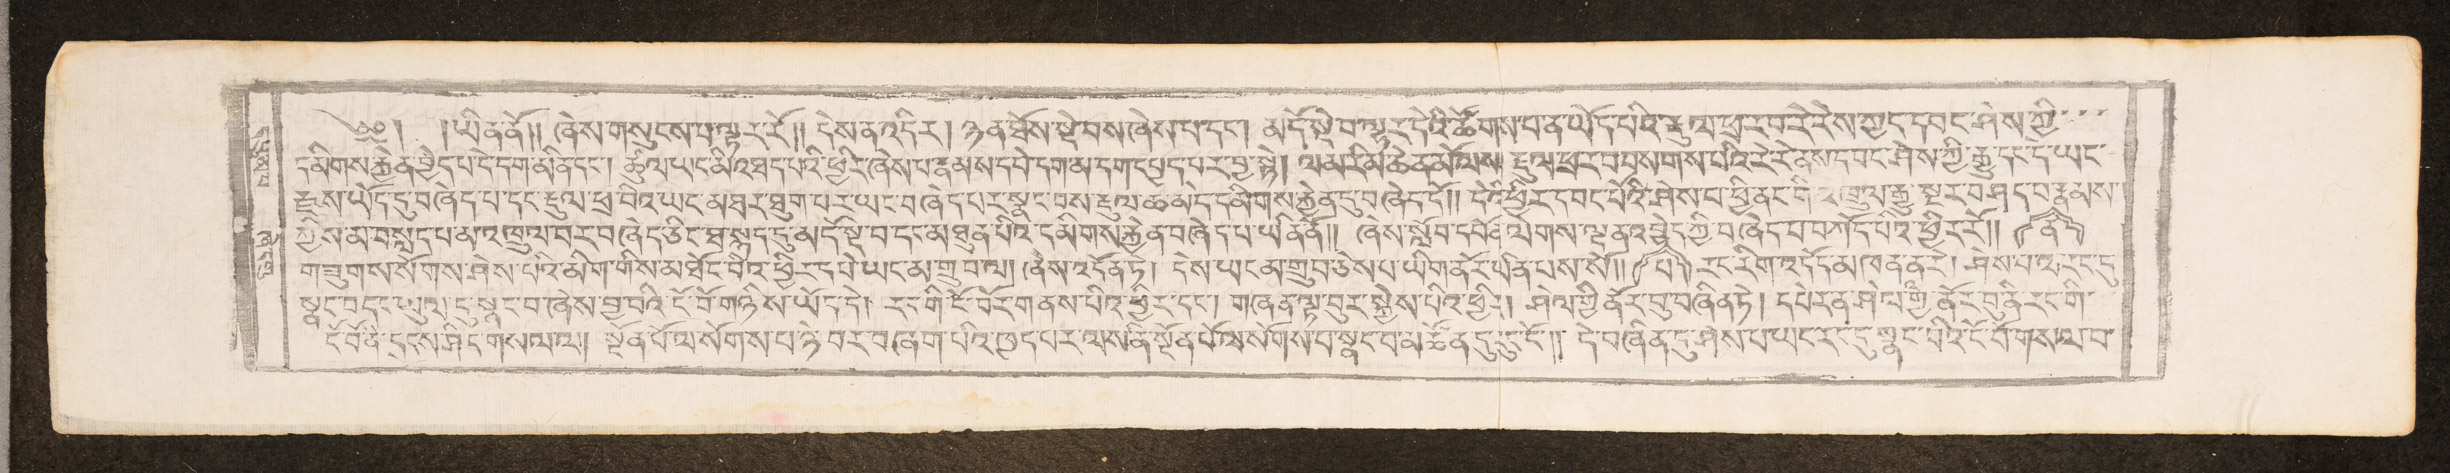༄༅། །ཡིན་ནོ།། ཞེས་གསུངས་པ་ལྟར་རོ།། དེས་ན་འདིར། ཉན་ཐོས་སྡེ་བས་ཞེས་པ་དང་། མདོ་སྡེ་བ་ལྟར་དེའི་ཚོགས་པ་ན་ཡོད་པའི་རྡུལ་ཕྲ་རབ་རེ་རེས་ཀྱང་དབང་ཤེས་ཀྱི་
དམིགས་རྐྱེན་བྱེད་པ་དེ་དག་མིན་དང་། ཚུལ་ཡང་མི་འཐད་པའི་ཕྱིར་ཞེས་པ་རྣམས་དཔེ་དག་མ་དག་དཔྱད་པར་བྱ་སྟེ། ལམ་རིམ་ཆེན་མོ་ལས། རྡུལ་ཕྲ་རབ་བསགས་པའི་རེ་རེ་ནས་དབང་ཤེས་ཀྱི་རྒྱུ་དང་དེ་ཡང་
རྫས་ཡོད་དུ་བཞེད་པ་དང་རྡུལ་ཕྲ་བའི་ཡང་མཐར་ཐུག་པར་ཡང་བཞེད་པར་སྣང་བས་རྡུལ་ཆ་མེད་དམིགས་རྐྱེན་དུ་བཞེད་དོ།། དེའི་ཕྱིར་དབང་པོའི་ཤེས་པ་ཕྱི་ནང་གི་འཁྲུལ་རྒྱུ་སྔར་བཤད་པ་རྣམས་
ཀྱིས་མ་བསླད་པ་མ་འཁྲུལ་བར་བཞེད་ཅིང་ཐ་སྙད་དུ་མདོ་སྡེ་བ་དང་མཐུན་པའི་དམིགས་རྐྱེན་བཞེད་པ་ཡིན་ནོ།། ཞེས་སློབ་དཔོན་ལེགས་ལྡན་འབྱེད་ཀྱི་བཞེད་པ་བཀོད་པའི་ཕྱིར་རོ།། ༼༽ན༼༽
གཟུགས་སོགས་ཤེས་པའི་མིག་གིས་མཐོང་བའི་ཕྱིར་དཔེ་ཡང་མ་གྲུབ་ལ། ཞེས་འདོན་ཏེ། དེས་ཡང་མ་གྲུབ་ཅེས་པ་ཡིག་ནོར་ཡིན་པས་སོ།། ༼༽པ༼༽ རང་རིག་འདོད་མཁན་ནར། ཤེས་པ་ལ་རང་དུ་
སྣང་བ་དང་ཡུལ་དུ་སྣང་བ་ཞེས་བྱ་བའི་ངོ་བོ་གཉིས་ཡོད་དེ། རང་གི་ངོ་བོར་གནས་པའི་ཕྱིར་དང་། གཞན་ལྟ་བུར་སྐྱེས་པའི་ཕྱིར། ཤེལ་གྱི་ནོར་བུ་བཞིན་ཏེ། དཔེར་ན་ཤེལ་གྱི་ནོར་བུ་ནི་རང་གི་
ངོ་བོ་ནི་དྲངས་ཤིང་གསལ་ལ། སྔོན་པོ་ལ་སོགས་པ་ཉེ་བར་བཞག་པའི་ཁྱད་པར་ལས་ནི་སྔོན་པོ་ལ་སོགས་པ་སྣང་བ་མཚོན་དུ་རུང་ངོ།། དེ་བཞིན་དུ་ཤེས་པ་ཡང་རང་དུ་སྣང་བའི་ངོ་བོ་གསལ་བ་